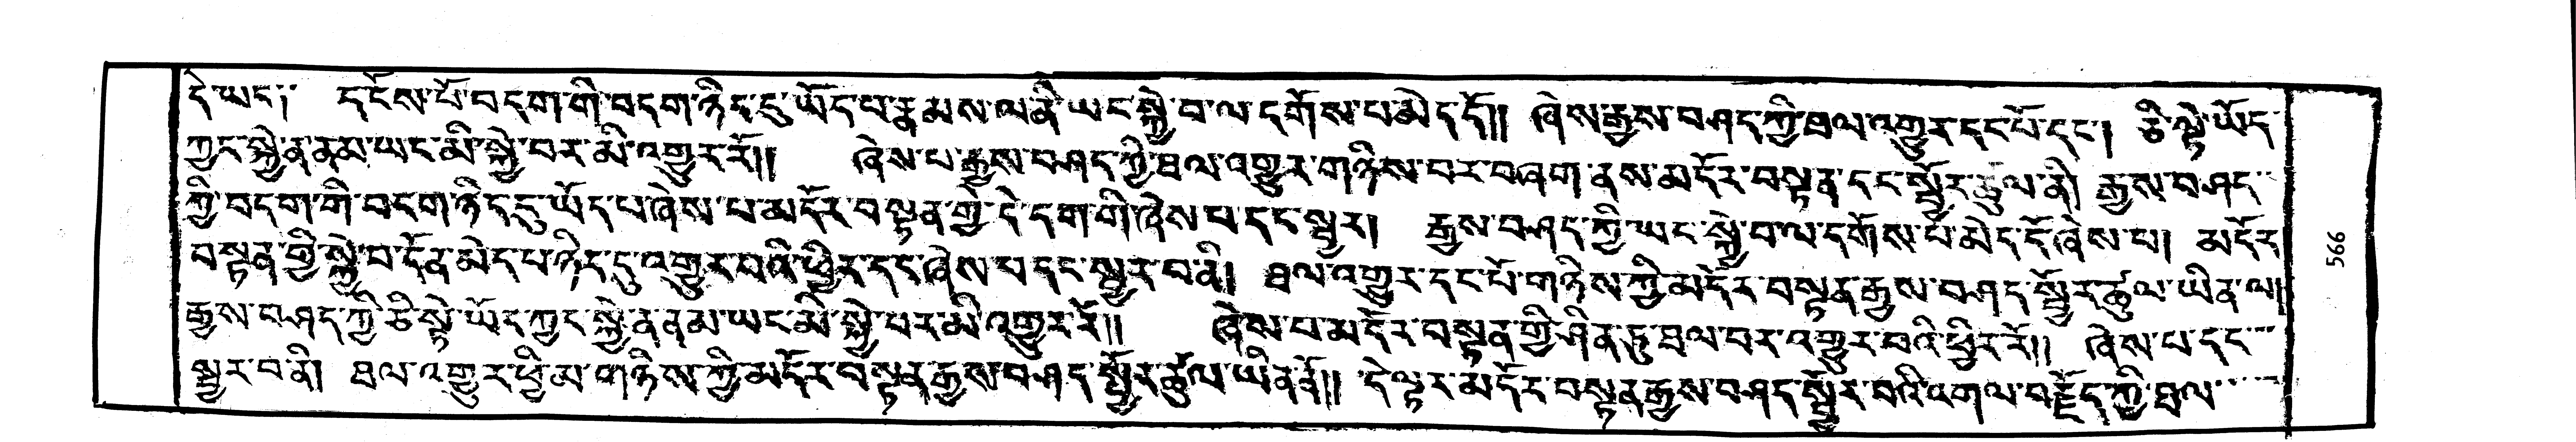དེ་ཡང་། དངོས་པོ་བདག་གི་བདག་ཉིད་དུ་ཡོད་པ་རྣམས་ལ་ནི་ཡང་སྐྱེ་བ་ལ་དགོས་པ་མེད་དོ། །ཞེས་རྒྱས་བཤད་ཀྱི་ཐལ་འགྱུར་དང་པོ་དང་། ཅི་ལྟེ་ཡོད་
ཀྱང་སྐྱེ་ན་ནམ་ཡང་མི་སྐྱེ་བར་མི་འགྱུར་རོ། །ཞེས་པ་རྒྱས་བཤད་ཀྱི་ཐལ་འགྱུར་གཉིས་པར་བཞག་ནས་མདོར་བསྟན་དང་སྦྱོར་ཚུལ་ནི། རྒྱས་བཤད་
ཀྱི་བདག་གི་བདག་ཉིད་དུ་ཡོད་པ་ཞེས་པ་མདོར་བསྟན་གྱི་དེ་དག་གི་ཞེས་པ་དང་སྦྱར། རྒྱས་བཤད་ཀྱི་ཡང་སྐྱེ་བ་ལ་དགོས་པ་མེད་དོ་ཞེས་པ། མདོར་
བསྟན་གྱི་སྐྱེ་བ་དོན་མེད་པ་ཉིད་དུ་འགྱུར་བའི་ཕྱིར་དང་ཞེས་པ་དང་སྦྱར་བ་ནི། ཐལ་འགྱུར་དང་པོ་གཉིས་ཀྱི་མདོར་བསྟན་རྒྱས་བཤད་སྦྱོར་ཚུལ་ཡིན་ལ།
རྒྱས་བཤད་ཀྱི་ཅི་སྟེ་ཡོད་ཀྱང་སྐྱེ་ན་ནམ་ཡང་མི་སྐྱེ་པར་མི་འགྱུར་རོ། །ཞེས་པ་མདོར་བསྟན་གྱི་ཤིན་ཏུ་ཐལ་བར་འགྱུར་བའི་ཕྱིར་རོ། །ཞེས་པ་དང་
སྦྱར་བ་ནི། ཐལ་འགྱུར་ཕྱི་མ་གཉིས་ཀྱི་མདོར་བསྟན་རྒྱས་བཤད་སྦྱོར་ཚུལ་ཡིན་ནོ། །དེ་ལྟར་མདོར་བསྟན་རྒྱས་བཤད་སྦྱོར་བའི་འགལ་བརྗོད་ཀྱི་ཐལ་